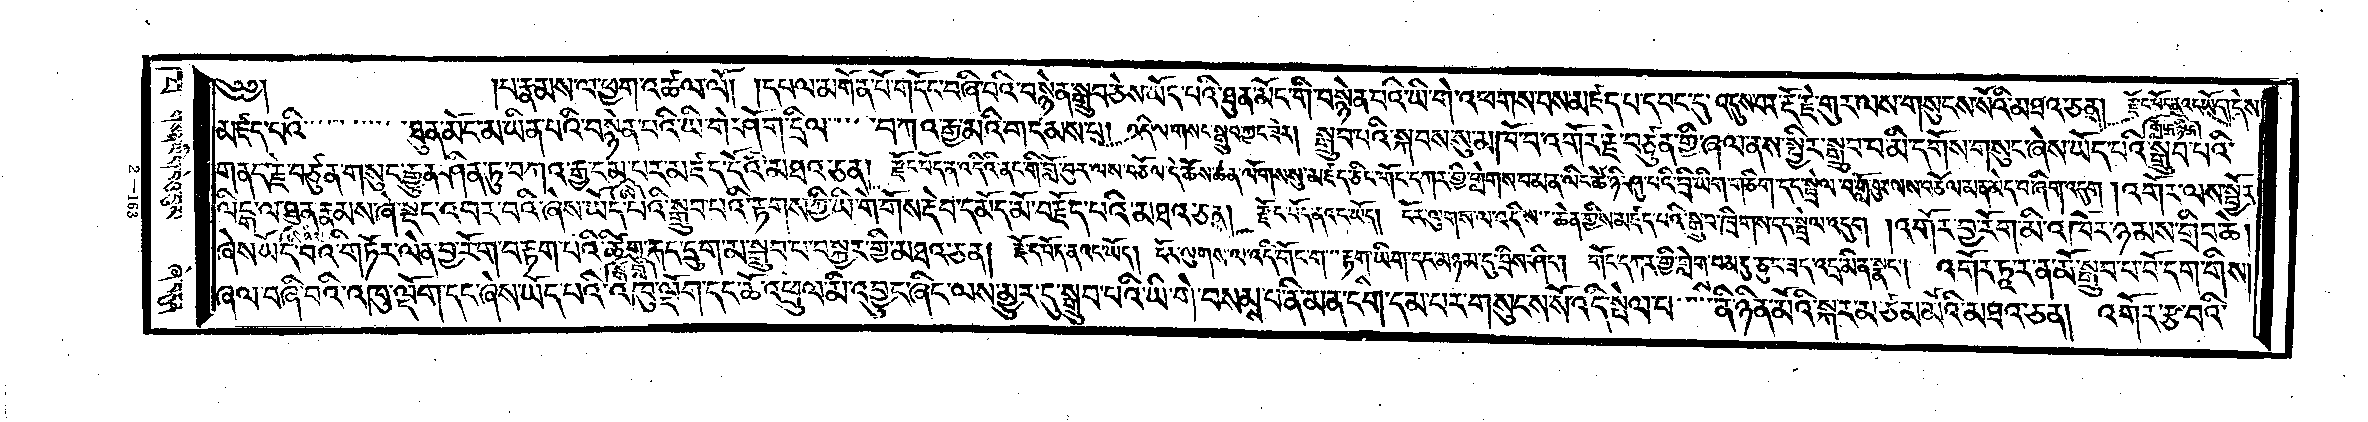༄༅། །པ་རྣམས་ལ་ཕྱག་འཚལ་ལོ། །དཔལ་མགོན་པོ་གདོང་བཞི་པའི་བསྙེན་སྒྲུབ་ཅེས་ཡོད་པའི་ཐུན་མོང་གི་བསྙེན་པའི་ཡི་གེ་འཕགས་པས་མཛད་པ་དབང་དུ་འདུས་བར་རྡོ་རྗེ་གུར་ལས་གསུངས་སོའི་མཐའ་ཅན། རྫོང་པོད་ནའང་ཡོད།  དེས་
མཛད་པའི་ཐུན་མོང་མ་ཡིན་པའི་བསྙེན་པའི་ཡི་གེ་ཤོག་དྲིལ་བཀའ་རྒྱ་མའི་གདམས་པ། འདི་ལ་གསང་སྒྲུབ་ཀྱང་ཟེར།  སྒྲུབ་པའི་སྐབས་སུ་མཁོ་བ་འགོར་རྗེ་བཙུན་གྱི་ཞལ་ནས་སྤྱིར་སྒྲུབ་བ་མི་དགོས་གསུང་ཞེས་ཡོད་པའི་སྒྲུབ་པའི་
གནད་རྗེ་བཙུན་གསུང་རྒྱུན་ཤིན་ཏུ་བཀའ་རྒྱ་དམ་པར་མཛད་དོའི་མཐའ་ཅན། རྫོང་པོད་ན་འདིའི་ནང་གི་བློ་བུར་ལས་བཅོལ་དེ་ཆོས་ཚན་ལོགས་སུ་མཛད་ཅིང་གོང་དཀར་གྱི་གླེགས་བམ་ན་ལིང་ཚོ་ཉི་ཤུ་པའི་བྲི་ཡིག་གཅིག་དང་སྦྲེལ་བ་གློ་བུར་ལས་བཅོལ་མན་མེད་བ་ཞིག་འདུག་།འགོར་ལས་སྦྱོར་
ལིངྒ་ལ་ཐུན་རྣམས་ཞེ་སྡང་འབར་བའི་ཞེས་ཡོད་པའི་སྒྲུབ་པའི་རྟགས་ཀྱི་ཡི་གེ་གོས་རྡེབ་དམོད་མོ་བརྗོད་པའི་མཐའ་ཅན། རྫོང་པོད་ནའང་ཡོད། ངོར་ལུགས་ལ་འདིས་ཆེན་གྱིས་མཛད་པའི་སྒྲུབ་ཁྲིགས་དང་སྦྲེལ་འདུག་།འགོར་བྱ་རོག་མི་འཁོར་ཉམས་གྲིབ་ཆེ།
ཞེས་ཡོད་པའི་གཏོར་ལེན་བྱ་རོག་བརྟག་པའི་ཚིག་རྐང་དྲུག་མ་སྒྲུབ་པ་བསྐྱར་གྱི་མཐའ་ཅན། རྫོང་པོད་ནའང་ཡོད། ངོར་ལུགས་ལ་འདི་གོང་ག་རྟག་ཡིག་དང་མཉམ་དུ་བྲིས་ཤིང་། གོང་དཀར་གྱི་གླེག་བམ་དུ་ཅུང་ཟད་འདྲ་མིན་སྣང་།  འགོར་ཏཱ་ར་ན་མོ་སྒྲུབ་པ་པོ་དག་གིས།
ཞལ་བཞི་བའི་འཁུ་ལྡོག་དང་ཞེས་ཡོད་པའི་འཁུ་ལྡོག་དང་ཆོ་འཕྲུལ་མི་འབྱུང་ཞིང་ལས་མྱུར་དུ་སྒྲུབ་པའི་ཡི་གེ་བསམས་པ་ནི་མན་ངག་དམ་པར་གསུངས་སོ་འདི་སྤེལ་བ་ནི་ཉིན་མོའི་སྐར་མ་ཙམ་མོའི་མཐའ་ཅན། འགོར་རྩ་བའི་